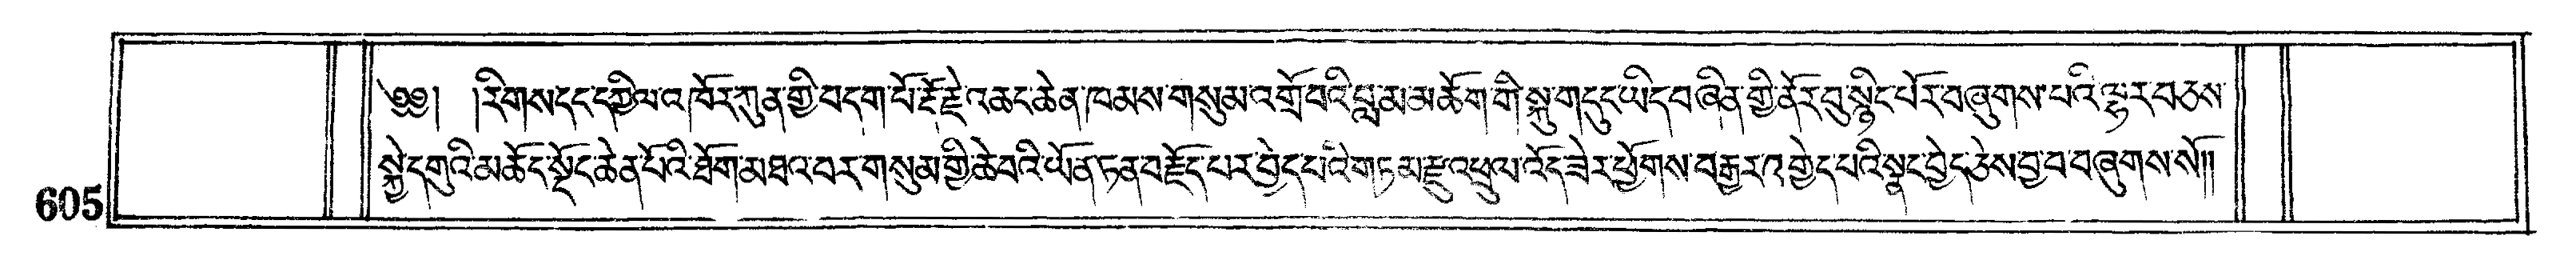༄༅། །རིགས་དང་དཀྱིལ་འཁོར་ཀུན་གྱི་བདག་པོ་རྡོ་རྗེ་འཆང་ཆེན་ཁམས་གསུམ་འགྲོ་བའི་བླ་མ་མཆོག་གི་སྐུ་གདུང་ཡིད་བཞིན་གྱི་ནོར་བུ་སྙིང་པོར་བཞུགས་པའི་ལྟར་བཅས་
སྐྱེ་དགུའི་མཆོད་སྡོང་ཆེན་པོའི་ཐོག་མཐའ་བར་གསུམ་གྱི་ཆེ་བའི་ཡོན་ཏན་བརྗོད་པར་བྱད་པའི་གཏམ་རྫུ་འཕྲུལ་འོད་ཟེར་ཕྱོགས་བརྒྱར་འགྱེད་པའི་སྣང་བྱེད་ཅེས་བྱ་བ་བཞུགས་སོ།།